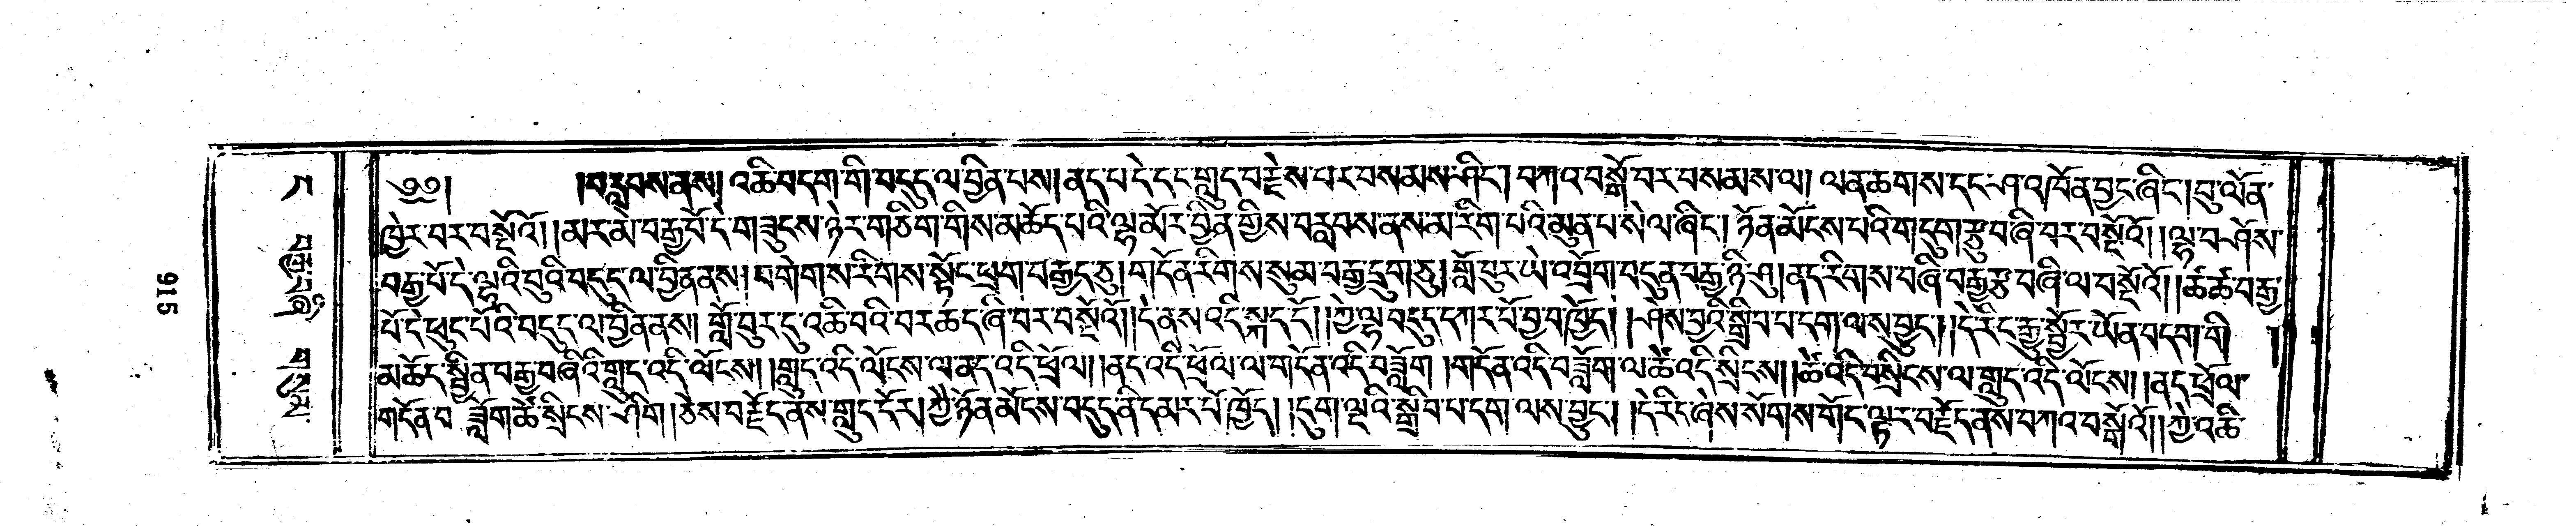༄༅། །བརླབས་ནས། འཆི་བདག་གི་བདུད་ལ་བྱིན་པས། ནད་པ་དེ་དང་གླུད་བརྗེས་པར་བསམས་ཤིང་། བཀའ་བསྒོ་བར་བསམས་ལ། ལན་ཆགས་དང་ཤ་འཁོན་བྱང་ཞིང་། བུ་ལོན་
ཁྱེར་བར་བསྔོའོ། །མར་མེ་བརྒྱ་པོ་དེ་གཟུངས་ཉེར་གཅིག་གིས་མཆོད་པའི་ལྷ་མོར་བྱིན་གྱིས་བརླབས་ནས་མ་རིག་པའི་མུན་པ་སེལ་ཞིང་། ཉོན་མོངས་པའི་གདུག་རྩུབ་ཞི་བར་བསྔོའོ། །ལྷ་བཤོས་
བརྒྱ་པོ་དེ་ལྷའི་བུའི་བདུད་ལ་བྱིན་ནས། བགེགས་རིགས་སྟོང་ཕྲག་བརྒྱད་ཅུ། གདོན་རིགས་སུམ་བརྒྱ་དྲུག་ཅུ། གློ་བུར་ཡེ་འབྲོག་བདུན་བརྒྱ་ཉི་ཤུ། ནད་རིགས་བཞི་བརྒྱ་རྩ་བཞི་ལ་བསྔོའོ། །ཚ་ཚ་བརྒྱ་
པོ་དེ་ཕུང་པོའི་བདུད་ལ་བྱིན་ནས། གློ་བུར་དུ་འཆི་བའི་བར་ཆད་ཞི་བར་བསྔོའོ། །དེ་ནས་འདི་སྐད་དོ། །ཀྱེ་ལྷ་བདུད་དཀར་པོ་བྱ་བ་ཁྱོད། །ཤེས་བྱའི་སྒྲིབ་པ་དག་ལས་བྱུང་། །དེ་རིང་རྒྱུ་སྦྱོར་ཡོན་བདག་གི །
མཆོད་སྦྱིན་བརྒྱ་བཞིའི་གླུད་འདི་ལོངས། །གླུད་འདི་ལོངས་ལ་ནད་འདི་ཕྲོལ། །ནད་འདི་ཕྲོལ་ལ་གདོན་འདི་བཟློག །གདོན་འདི་བཟློག་ལ་ཚེ་འདི་སྲིངས། །ཚེ་འདི་བསྲིངས་ལ་གླུད་འདི་ལོངས། །ནད་ཕྲོལ་
གདོན་བཟློག་ཚེ་སྲིངས་ཤིག །ཅེས་བརྗོད་ནས་གླུད་དོར། ཀྱཻ་ཉོན་མོངས་བདུད་ནི་དམར་པོ་ཁྱོད། །དུག་ལྔའི་སྒྲིབ་པ་དག་ལས་བྱུང་། །དེ་རིང་ཞེས་སོགས་གོང་ལྟར་བརྗོད་ནས་བཀའ་བསྒོའོ། །ཀྱེ་འཆི་